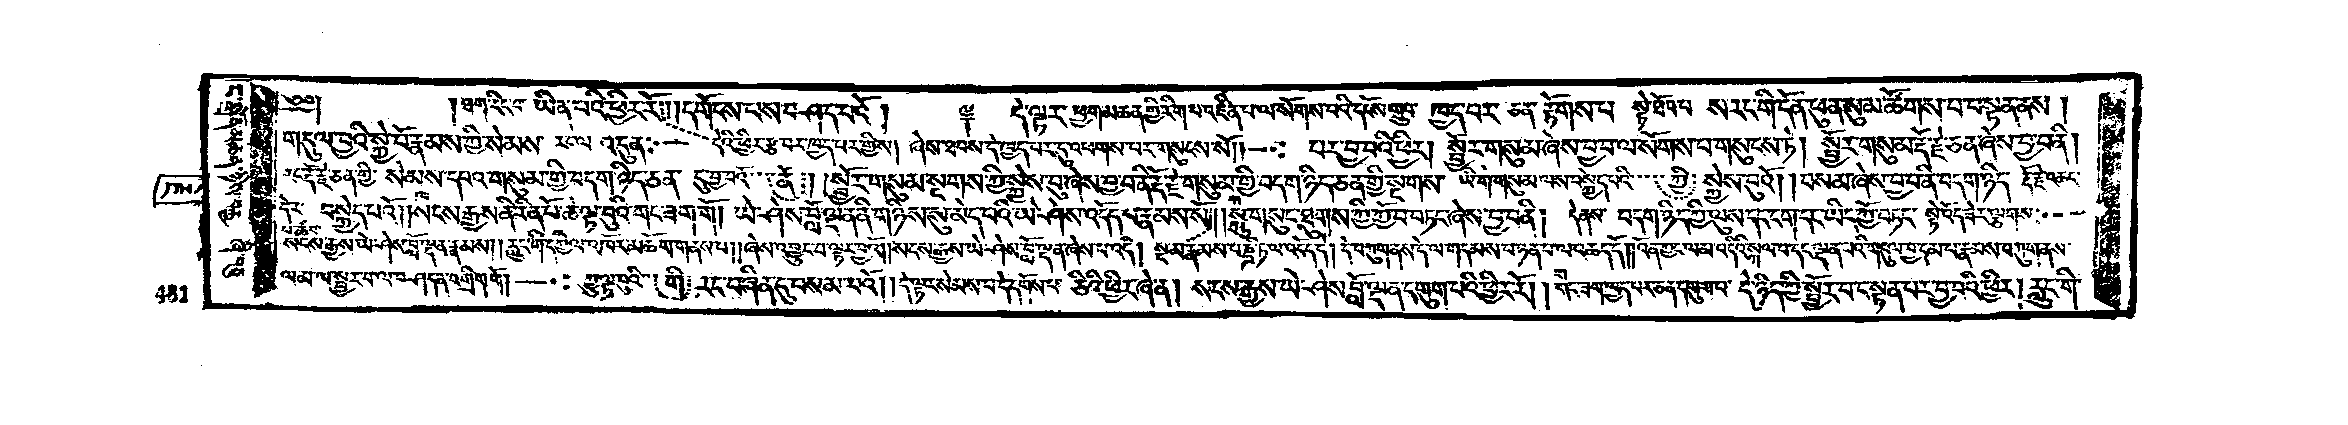༄༅། །ཐག་རིང་བ་ཡིན་པའི་ཕྱིར་རོ། །དགོངས་པས་བཤད་པའོ།། ༈ དེ་ལྟར་ཕྱག་མཚན་གྱི་རིག་པ་འཛིན་པ་ལ་སོགས་པའི་དངོས་གྲུབ་ཁྱད་པར་ཅན་རྟོགས་པ་སྟེ་ཐབ་པ་ས་རང་གི་དོན་ཕུན་སུམ་ཚོགས་པ་བསྟན་ནས།
གདུལ་བྱའི་སྐྱེ་བོ་རྣམས་ཀྱི་སེམས་རང་ལ་འདུནཿ་དེའི་ཕྱིར་རྩ་བར་ཁྱད་པར་གྱིས། ཞེས་ཐབས་དེ་ཁྱད་པར་དུ་འཕགས་པར་གསུངས་སོ།།.H པར་བྱ་བའི་ཕྱིར། སྦྱོར་གསུམ་ཞེས་བྱ་བ་ལ་སོགས་པ་གསུངས་ཏེ། སྦྱོར་གསུམ་རྡོ་རྗེ་ཅན་ཞེས་བྱ་བ་ནི།
རང་རྡོ་རྗེ་ཅན་གྱི་སེམས་དཔའ་གསུམ་གྱི་བདག་ཉིད་ཅན་དུ་བྱ་བའོ་ནོ། །སྦྱོར་གསུམ་སྔགས་ཀྱི་སྐྱེས་བུ་ཞེས་བྱ་བ་ནི་རྡོ་རྗེ་གསུམ་གྱི་བདག་ཉིད་ཅན་གྱི་སྔགས་ཡི་གེ་གསུམ་ལས་བསྐྱེད་པའི་ཀྱི་སྐྱེས་བུའོ། །བསམ་ཞེས་བྱ་བ་ནི་བདག་ཉིད་རྡོ་རྗེ་འཆང་
དེར་བསྐྱེད་པའོ། ཁ་སངས་རྒྱས་ནི་རིན་པོ་ཆེ་ལྟ་བུའི་གང་ཟག་གོ །ཡེ་ཤེས་བློ་ལྡན་ནི་གཉིས་སུ་མེད་པའི་ཡེ་ཤེས་འདོད་པ་རྣམས་སོ། ཀ །སྐུ་གསུང་ཐུགས་ཀྱི་ཀྱོ་བ་བཏང་ཞེས་བྱ་བ་ནི། དེ་ནས་བདག་ཉིད་ཀྱི་ལུས་དང་ངག་དང་ཡིད་ཀྱོ་བཏང་སྟེ་འོད་ཟེར་ལྕགསཿ
སངས་རྒྱས་ཡེ་ཤེས་བློ་ལྡན་རྣམས། །རླུང་གི་དཀྱིལ་འཁོར་མཆོག་གནས་པ། །ཞེས་འབྱུང་བ་ལྟར་བྱའོ། །སངས་རྒྱས་ཡེ་ཤེས་བློ་ལྡན་ཞེས་པ་འདི། སྔ་མ་རྣམས་པཎྜི་ཏ་ལ་འདོད་དེ། དེ་བཀུག་ནས་དེ་ལ་གདམས་པ་ཉན་པ་ལ་འཆད་དོ། །འོན་ཀྱང་ལམ་འདིའི་སྐལ་བ་དང་ལྡན་པའི་གདུལ་བྱ་དམ་པ་རྣམས་བཀུག་ནས་
ལམ་ལ་སྦྱར་བ་ལ་བཤད་ན་འགྲིག་གོ ། .H ཀྱུ་ལྟ་བུའི་གི་རང་བཞིན་དུ་བསམ་པའོ། ། དེ་ལྟར་སེམས་པ་དེ་དགོས་པ་ཅིའི་ཕྱིར་ཞེ་ན། སངས་རྒྱས་ཡེ་ཤེས་བློ་ལྡན་དགུག་པའི་ཕྱིར་རོ། །ག་གང་ཟག་ཁྱད་པར་ཅན་དགུག་པ་དེ་ཉིད་ཀྱི་སྦྱོར་བ་བསྟན་པར་བྱ་བའི་ཕྱིར། རླུང་གི་